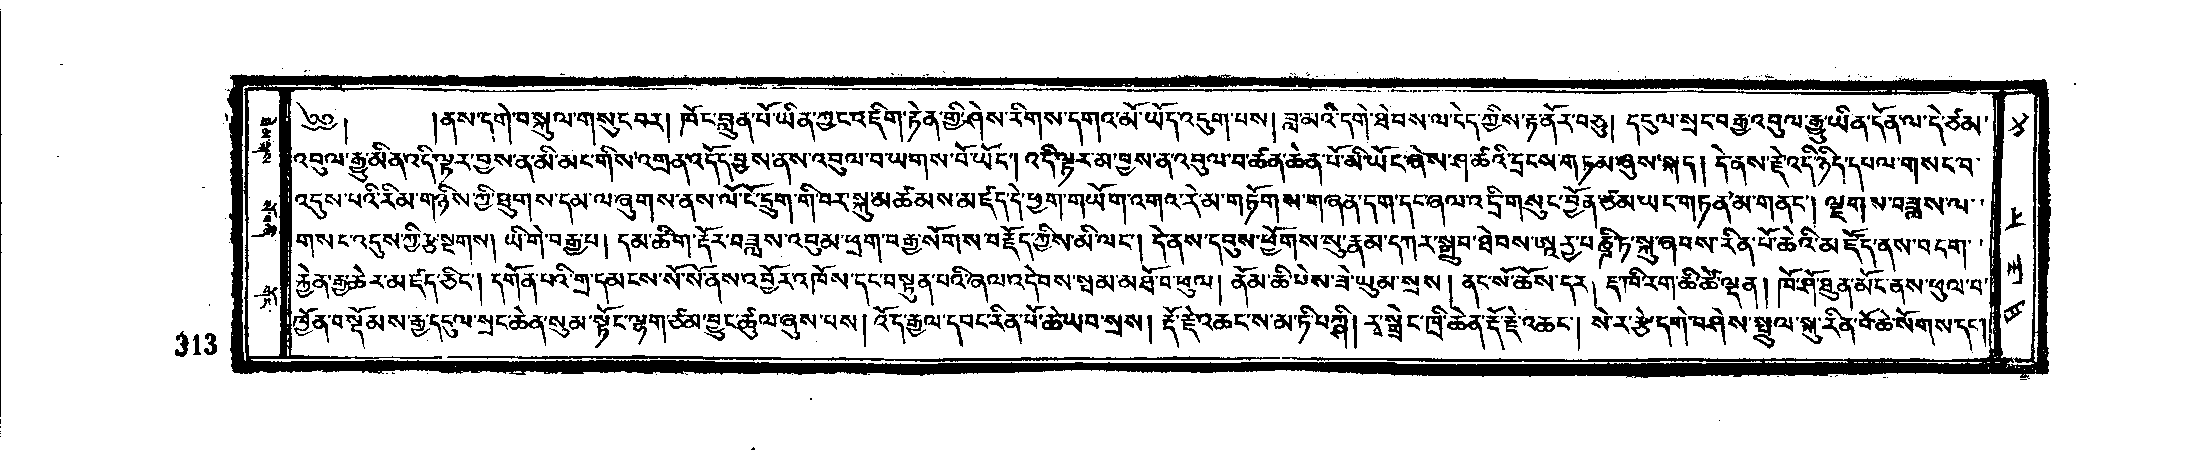༄༅། །ནས་དགེ་བསྐུལ་གསུང་བར། ཁོང་བླུན་པོ་ཡིན་ཀྱང་འཇིག་རྟེན་གྱི་ཤེས་རིགས་དགའ་མོ་ཡོད་འདུག་པས། བླ་མའི་དགེ་ཐེབས་ལ་ངེད་ཀྱིས་རྟ་ནོར་བཅུ། དངུལ་སྲང་བརྒྱ་འབུལ་རྒྱུ་ཡིན་དོན་ལ་དེ་ཙམ་
འབུལ་རྒྱུ་མིན་འདི་ལྟར་བྱས་ན་མི་མང་གིས་འགྲན་འདོད་བྱས་ནས་འབུལ་བ་ཡགས་པོ་ཡོང་། འདི་ལྟར་མ་བྱས་ན་འབུལ་བ་ཚན་ཆེན་པོ་མི་ཡོང་ཞེས་ཤ་ཚའི་དྲངས་གཏམ་ཞུས་སྐད། དེ་ནས་རྗེ་འདི་ཉིད་དཔལ་གསང་བ་
འདུས་པའི་རིམ་གཉིས་ཀྱི་ཐུགས་དམ་ལ་ཞུགས་ནས་ལོ་ངོ་དྲུག་གི་བར་སྐུ་མཚམས་མཛད་དེ་ཕྱག་གཡོག་འགའ་རེ་མ་གཏོགས་གཞན་དག་དང་ཞལ་འདྲི་གསུང་བྱོན་ཙམ་ཡང་གཏན་མ་གནང་། ལྗགས་བཟླས་ལ་
གསང་འདུས་ཀྱི་རྩ་སྔགས། ཡི་གེ་བརྒྱ་པ། དམ་ཚིག་རྡོར་བཟླས་འབུམ་ཕྲག་བརྒྱ་སོགས་བརྗོད་ཀྱིས་མི་ལང་། དེ་ནས་དབུས་ཕྱོགས་སུ་རྣམ་དཀར་སྒྲུབ་ཐེབས་ཨཱརྱ་པཎྜི་ཏ་སྐུ་ཞབས་རིན་པོ་ཆེའི་མཛོད་ནས་བདག་
རྐྱེན་རྒྱ་ཆེར་མཛད་ཅིང་། དགོན་པའི་གྲ་དམངས་སོ་སོ་ནས་འབྱོར་འཁོས་དང་བསྟུན་པའི་ཞལ་འདེབས་སྤམ་མཐོ་བ་ཕུལ། ནོམ་ཆི་པེས་ཟེ་ཡུམ་སྲས། ནང་སོ་ཆོས་དར། ཇ་ཁི་རག་ཆི་ཚེ་ལྡན། ཁོ་ཤོ་ཐུན་མོང་ནས་ཕུལ་བ་
ཁྱོན་བསྡོམས་རྒྱ་དངུལ་སྲང་ཆེན་སུམ་སྟོང་ལྷག་ཙམ་བྱུང་ཚུལ་ཞུས་པས། འོད་རྒྱལ་དབང་རིན་པོ་ཆེ་ཡབ་སྲས། རྡོ་རྗེ་འཆང་ས་མ་ཏི་པཀྴི། རྭ་སྒྲེང་ཁྲི་ཆེན་རྡོ་རྗེ་འཆང་། སེ་ར་རྩེ་དགེ་བཤེས་སྤྲུལ་སྐུ་རིན་པོ་ཆེ་སོགས་དང་།